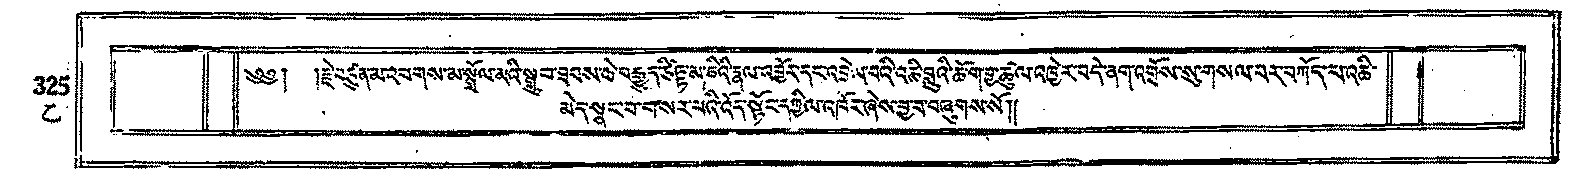༄༅། །རྗེ་བཙུན་མ་འཕགས་མ་སྒྲོལ་མའི་སྒྲུབ་ཐབས་ཉེ་བརྒྱུད་ཙིཏྟ་མ་ཎིའི་རྣལ་འབྱོར་དང་འབྲེལ་བའི་འཆི་བླུའི་ཆོ་ག་བྱ་ཚུལ་འཁྱེར་བདེ་ནག་འགྲོས་སུ་གསལ་བར་བཀོད་པ་འཆི་
མེད་སྣང་བ་གསར་པའི་འོད་སྟོང་དཀྱིལ་འཁོར་ཞེས་བྱ་བ་བཞུགས་སོ།།